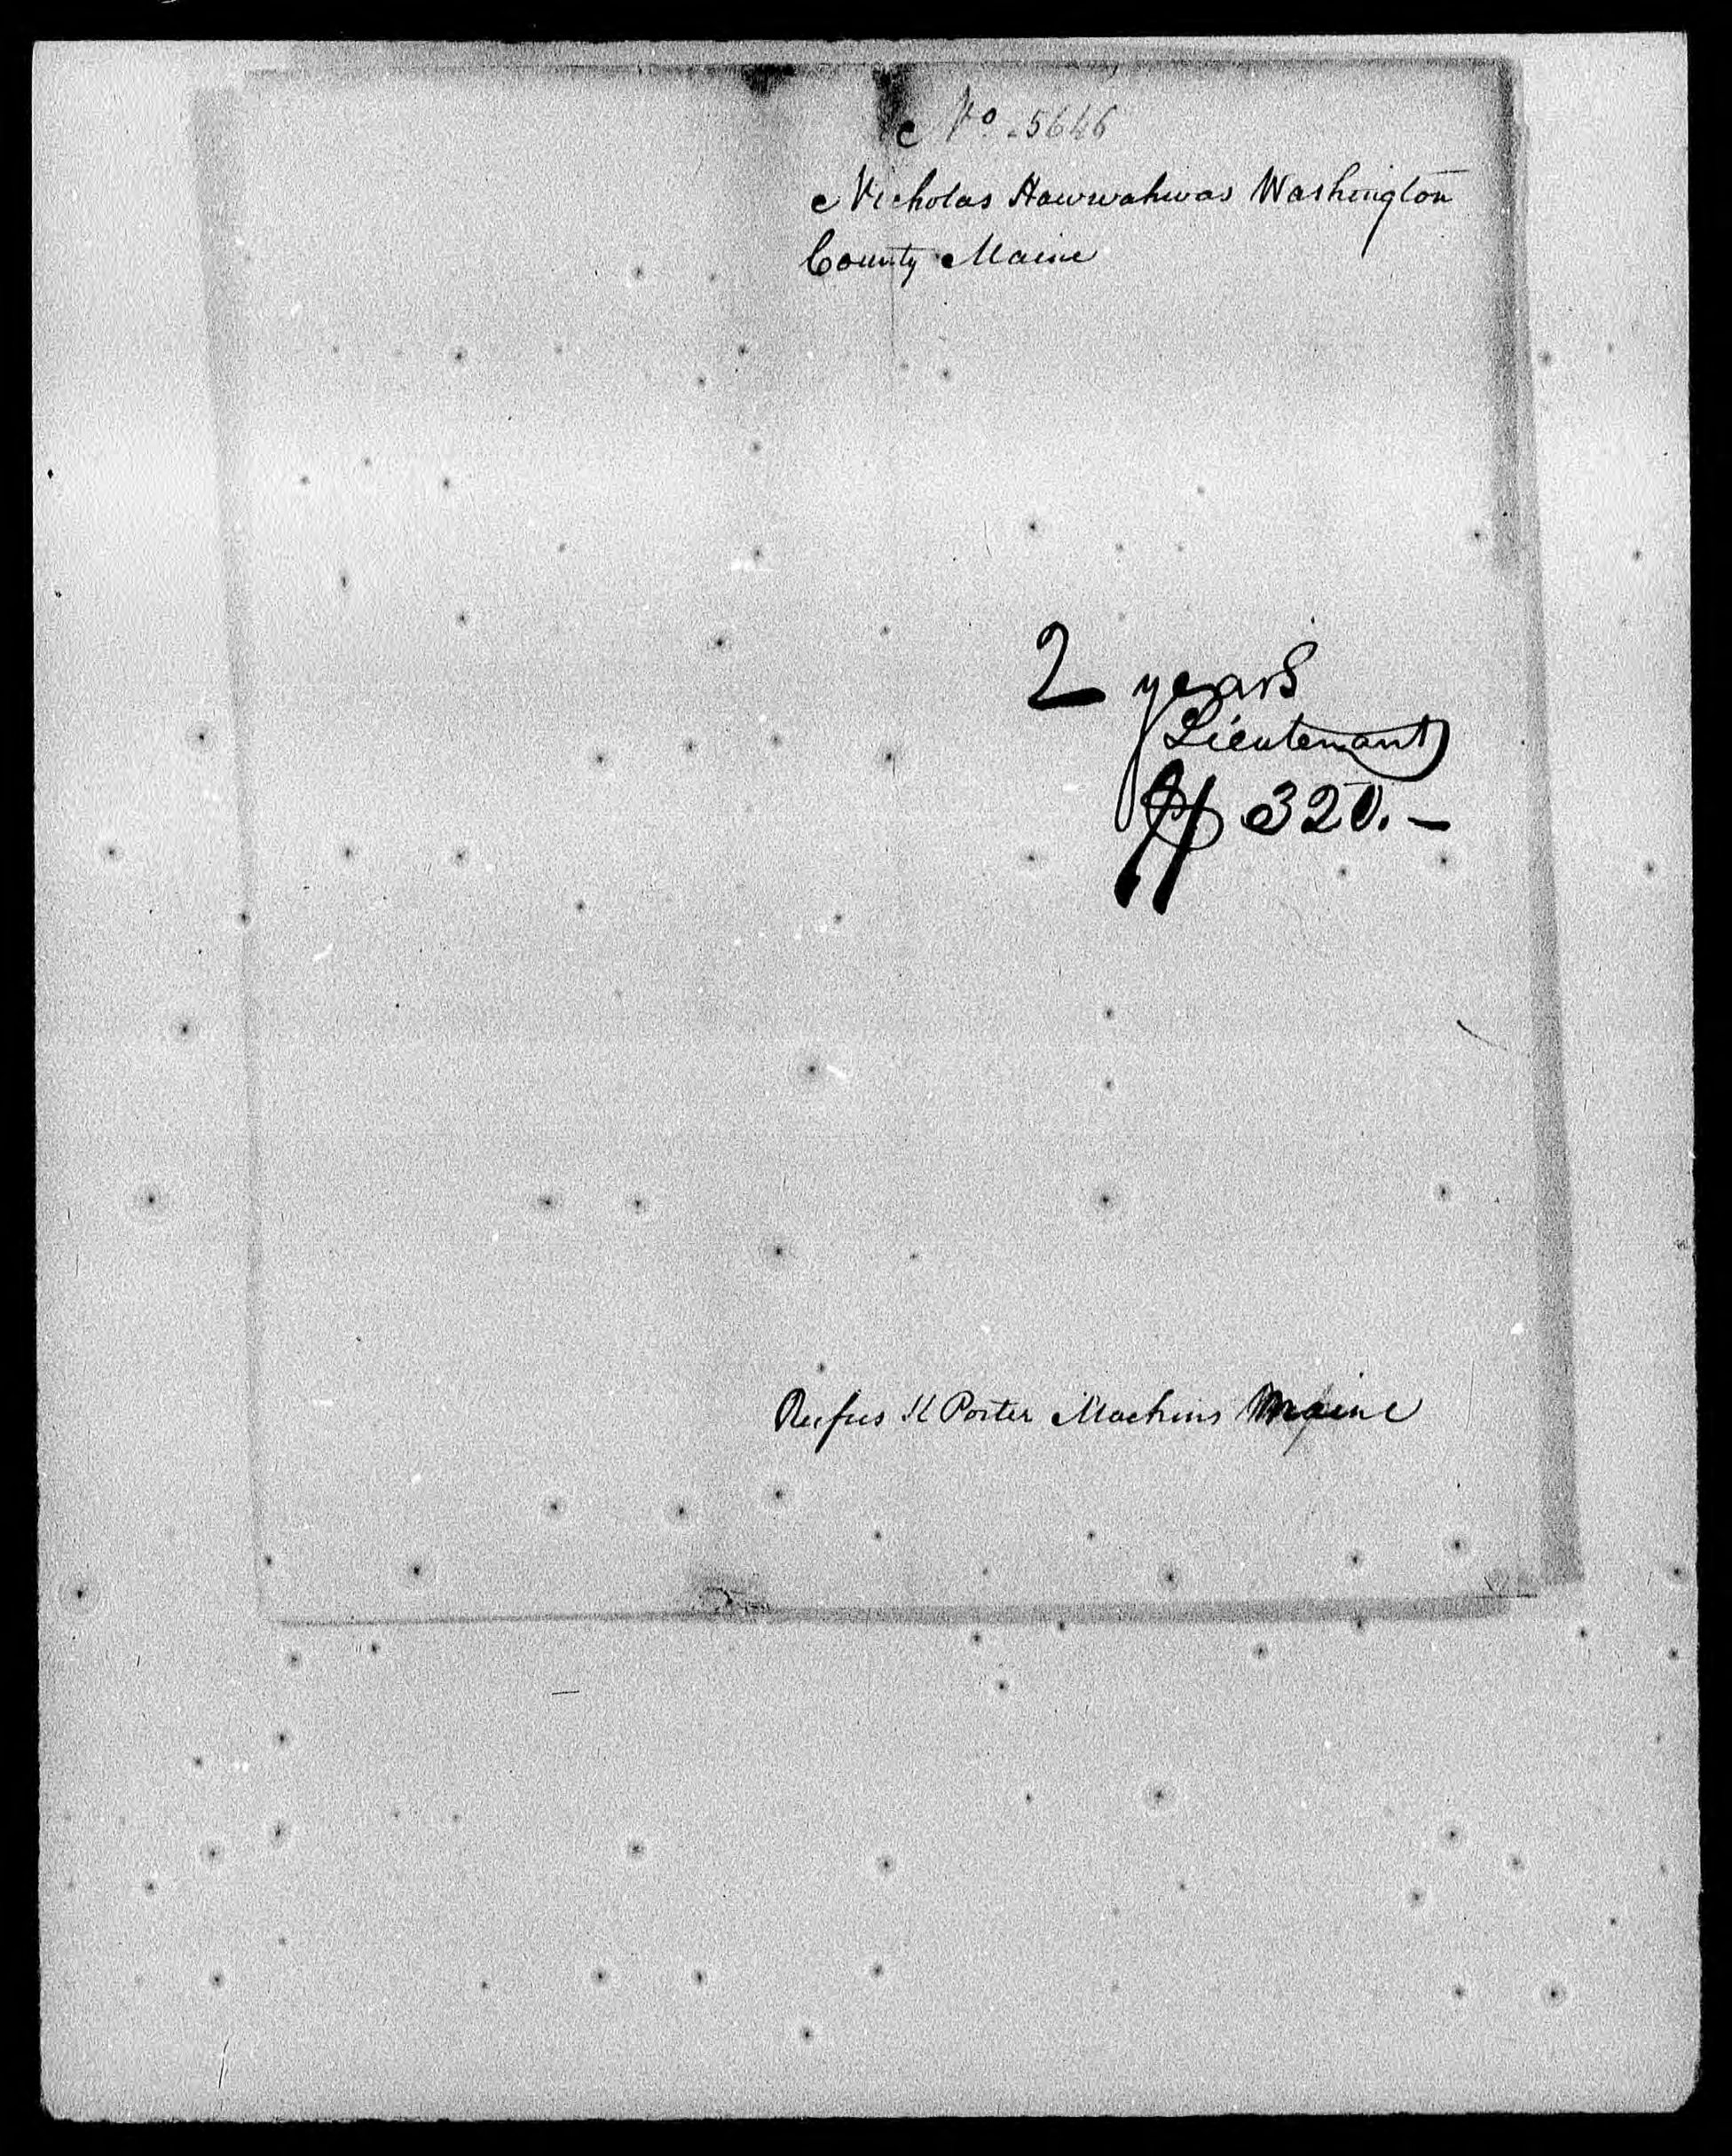No. 5646
Nicholas Hawwahwas Washington
County Maine

2 years
Lieutenant
$320.—

Rufus Porter Machias Maine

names: Nicholas Hawwahwas, Rufus K Porter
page: 5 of 52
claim: survivor's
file: S 17997, Nicholas Hawwawas, Mass.